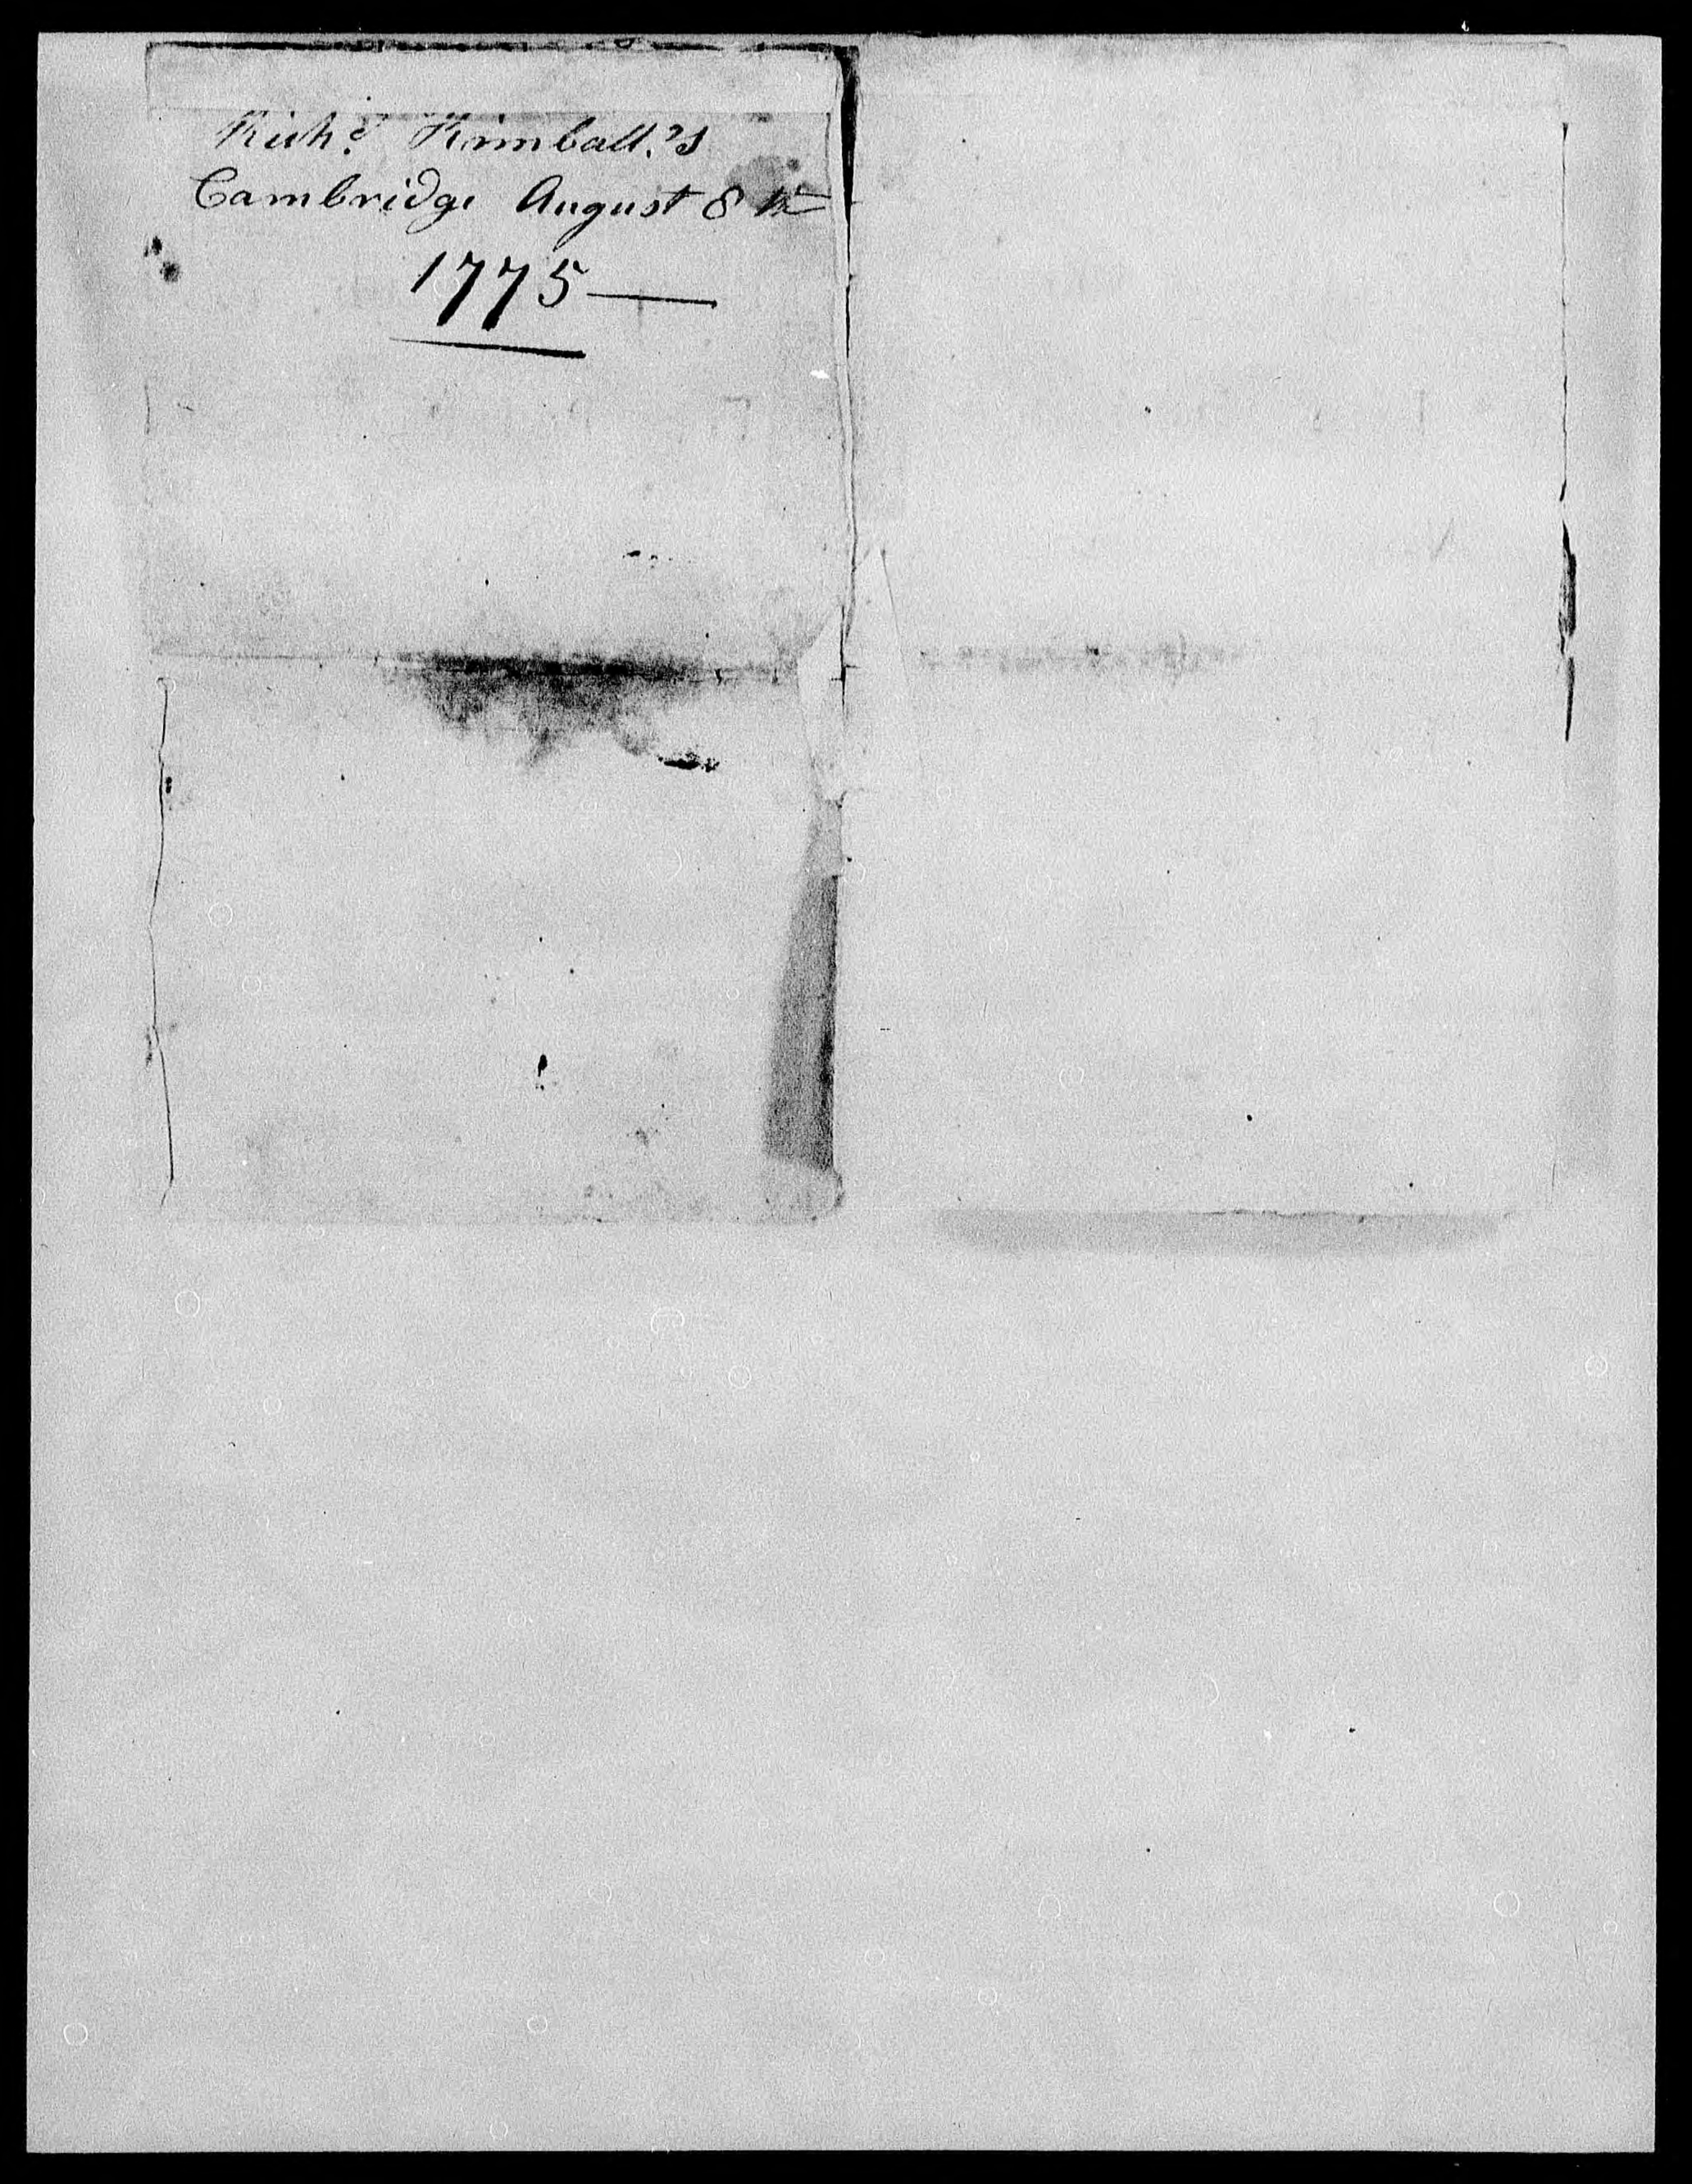Richd Kimball's
Cambridge      August 8th
                       1775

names: Richd Kimball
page: 6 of 29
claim: widow's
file: W. 1779, for Richard Kimball, Massachusetts